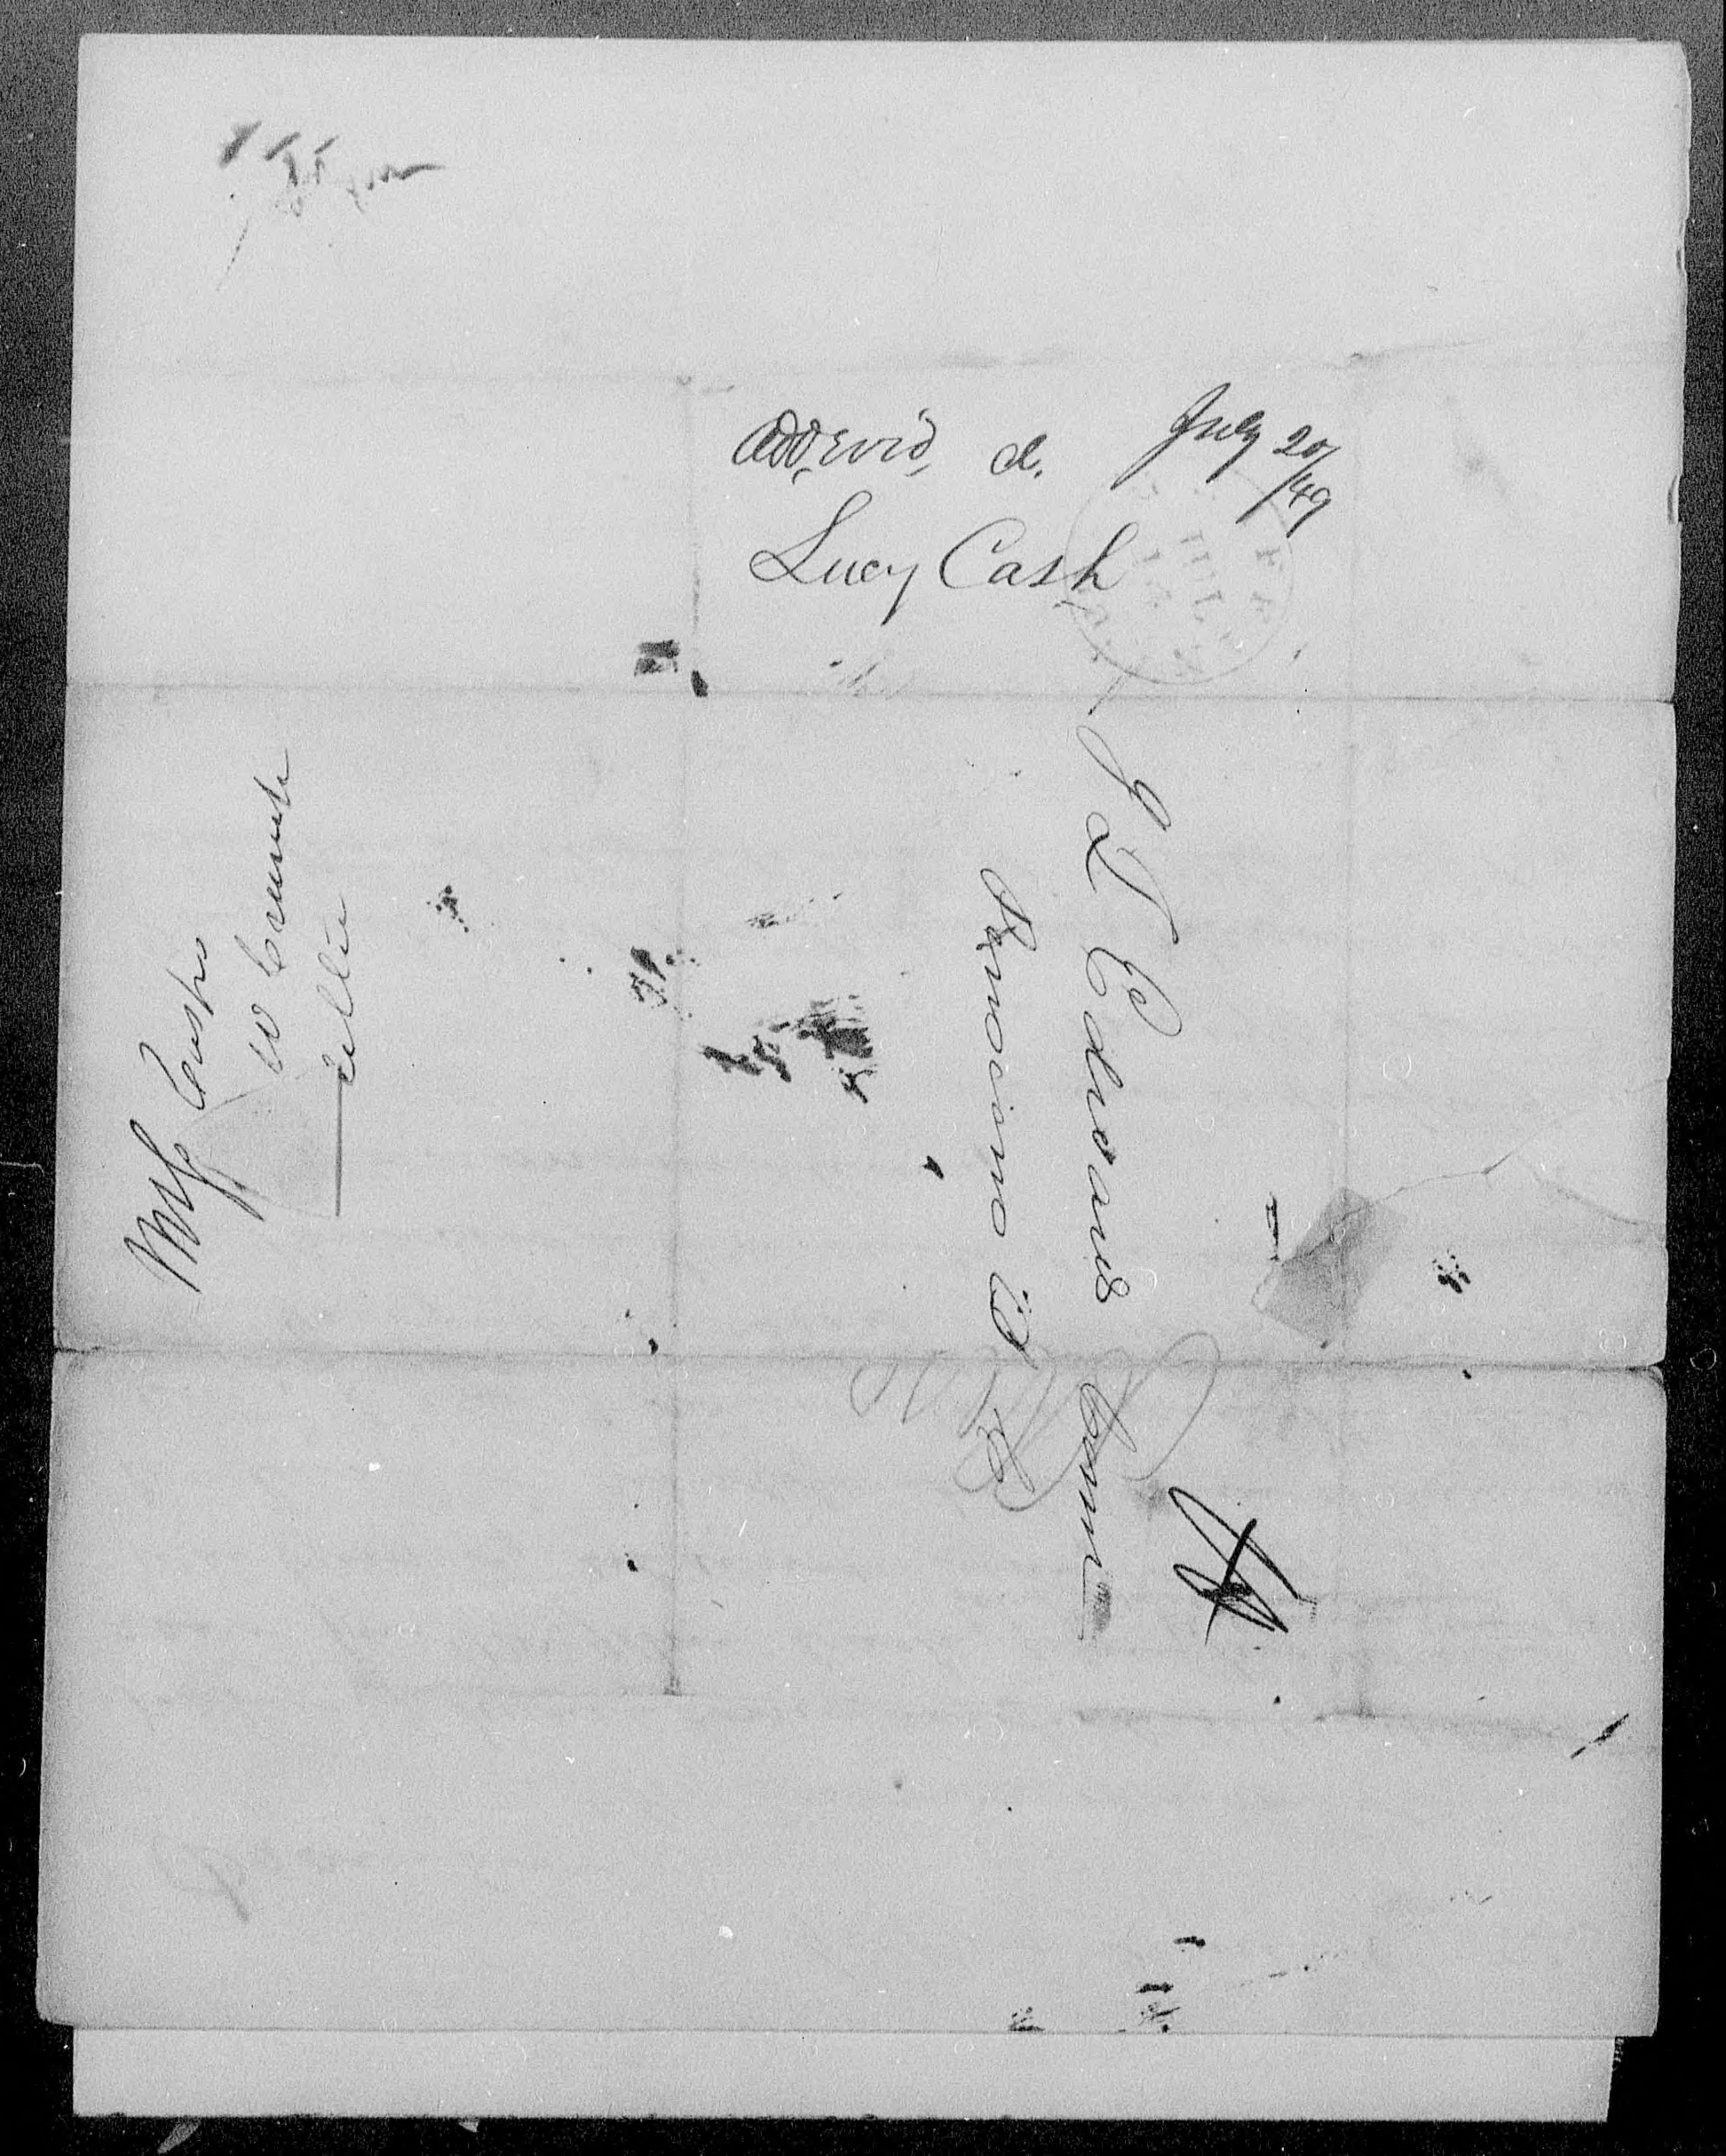W. Crump
J.L. Edwards, Commissioner Pensions
arrived d. July 20/1847
Lucy Cash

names: W Crump, Cash, Lucy Cash, J L Edwards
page: 67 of 73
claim: widow's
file: W. 5,894, John Cash, Va.